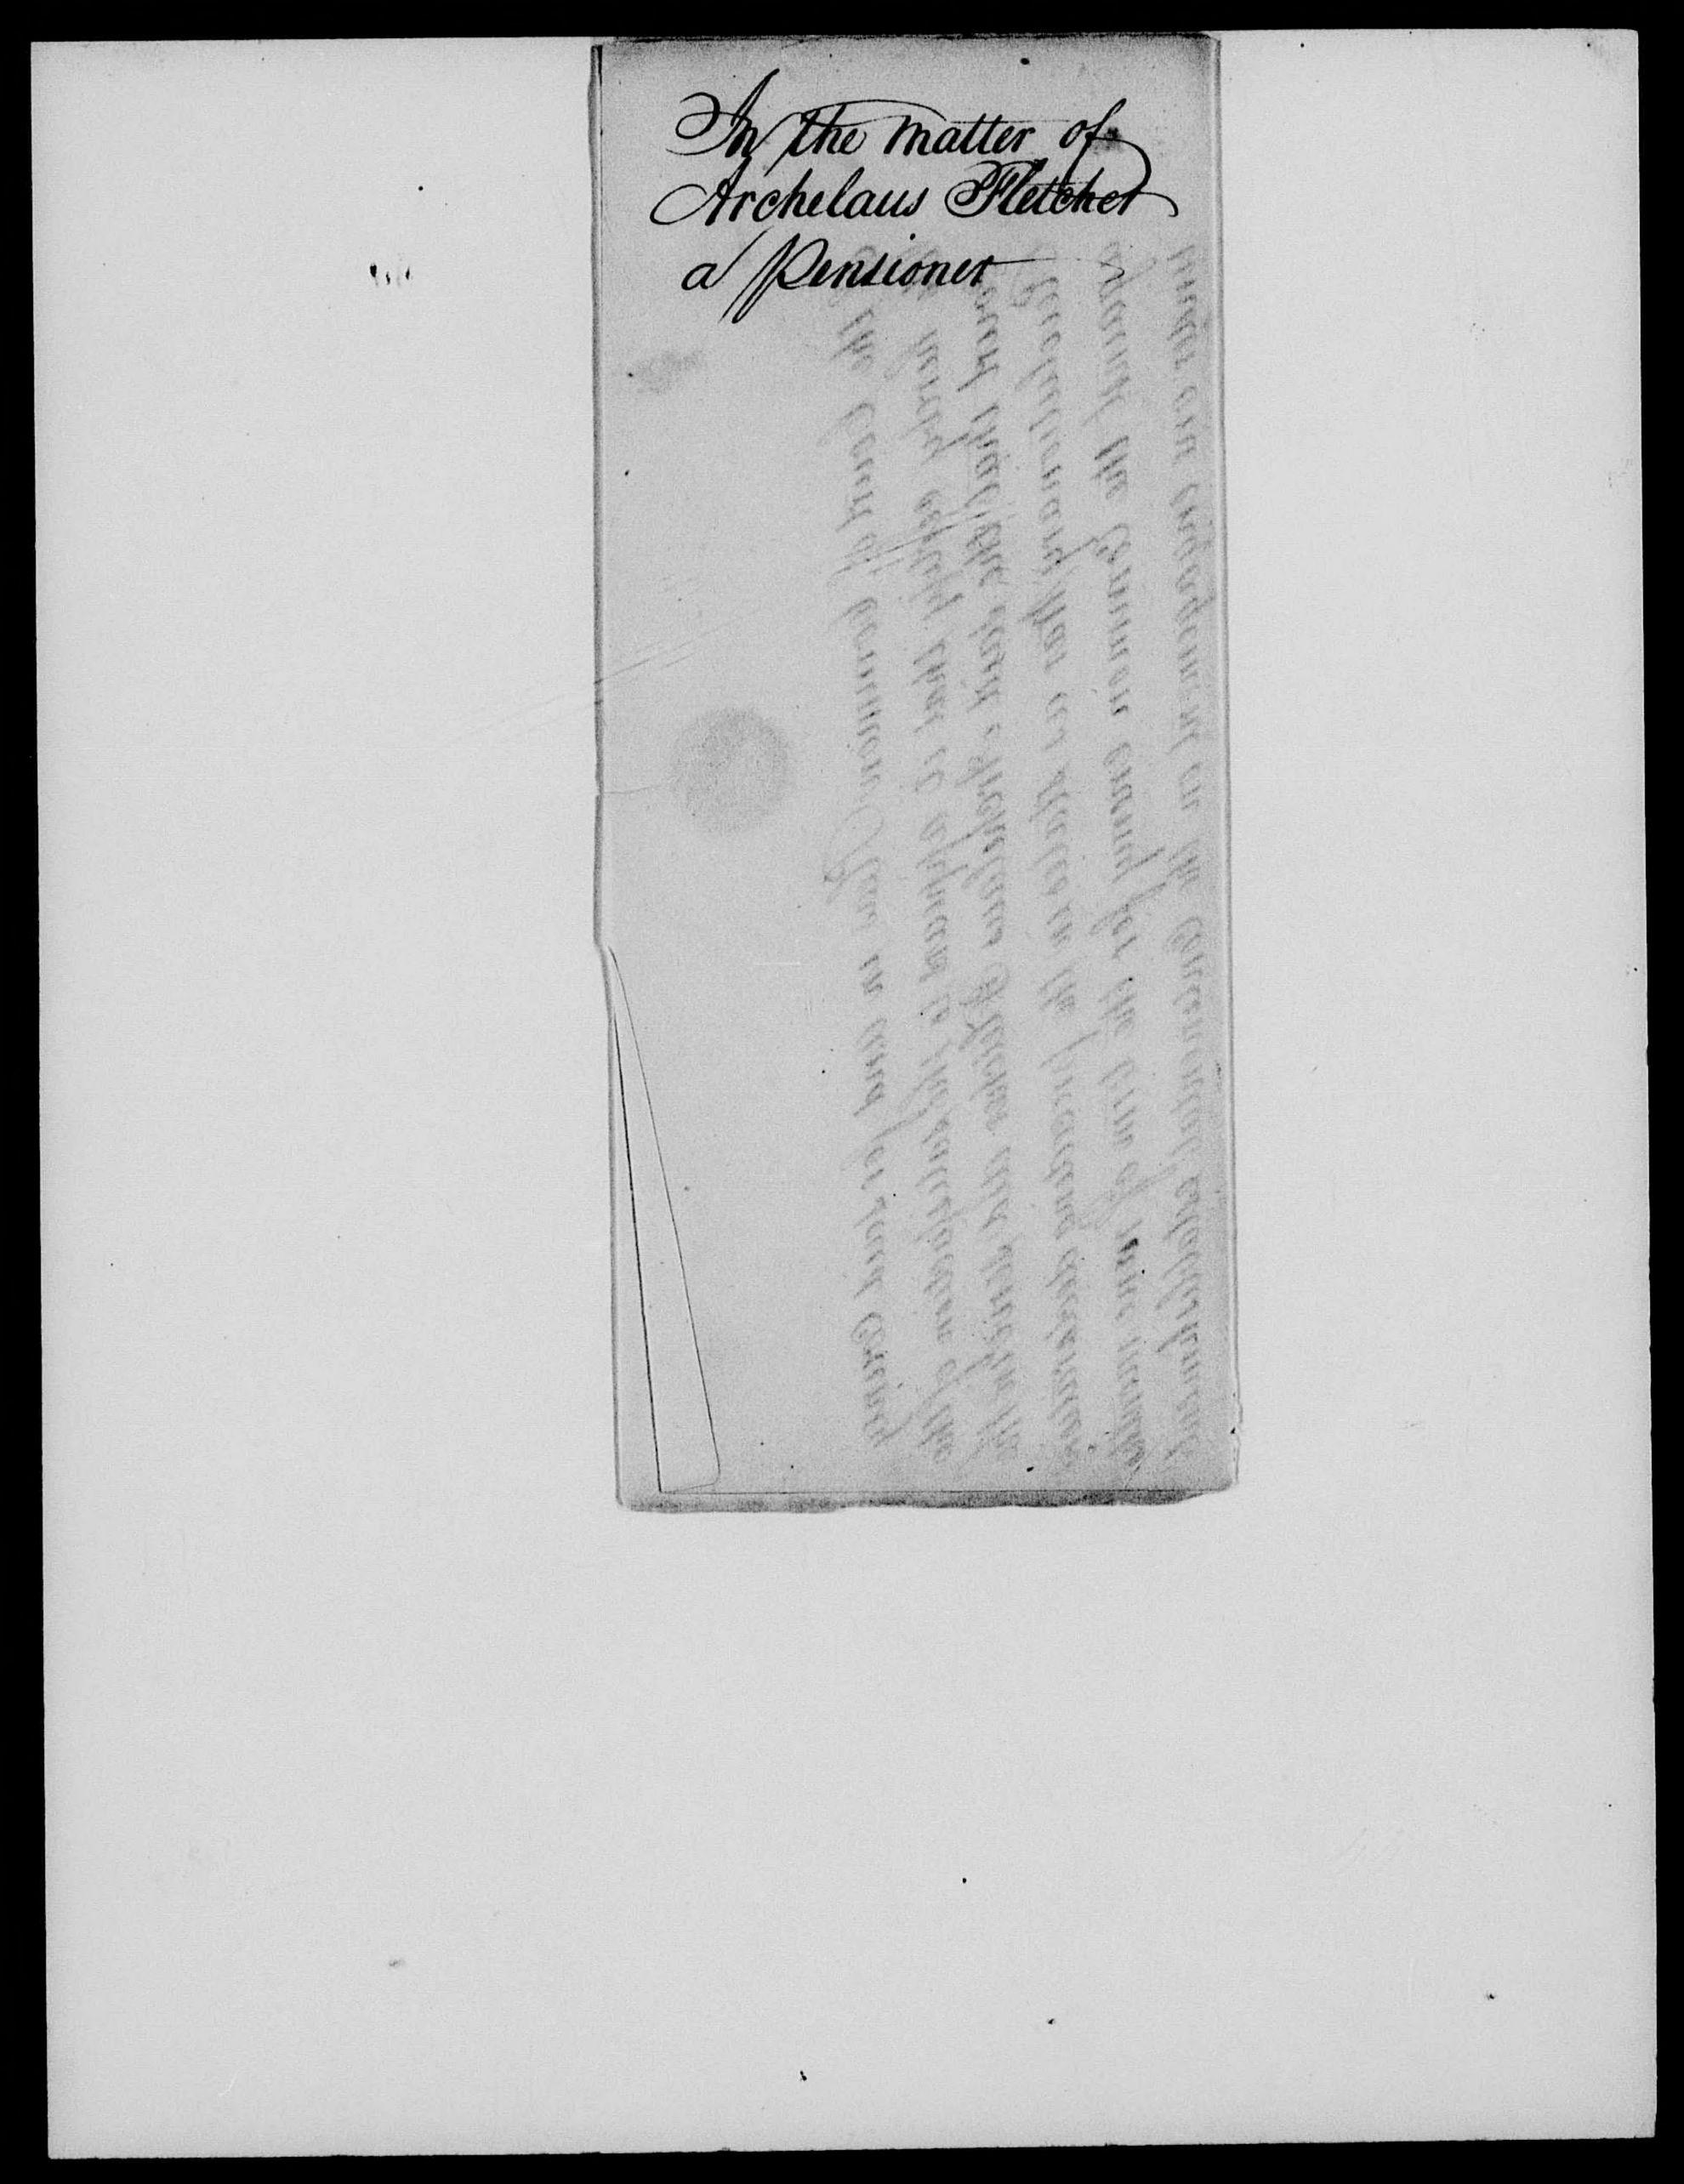In the matter of Archelaus Fletcher a pensioner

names: Archelaus Fletcher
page: 7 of 18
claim: survivor's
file: S. 44822, Archelaus Fletcher, Mass.